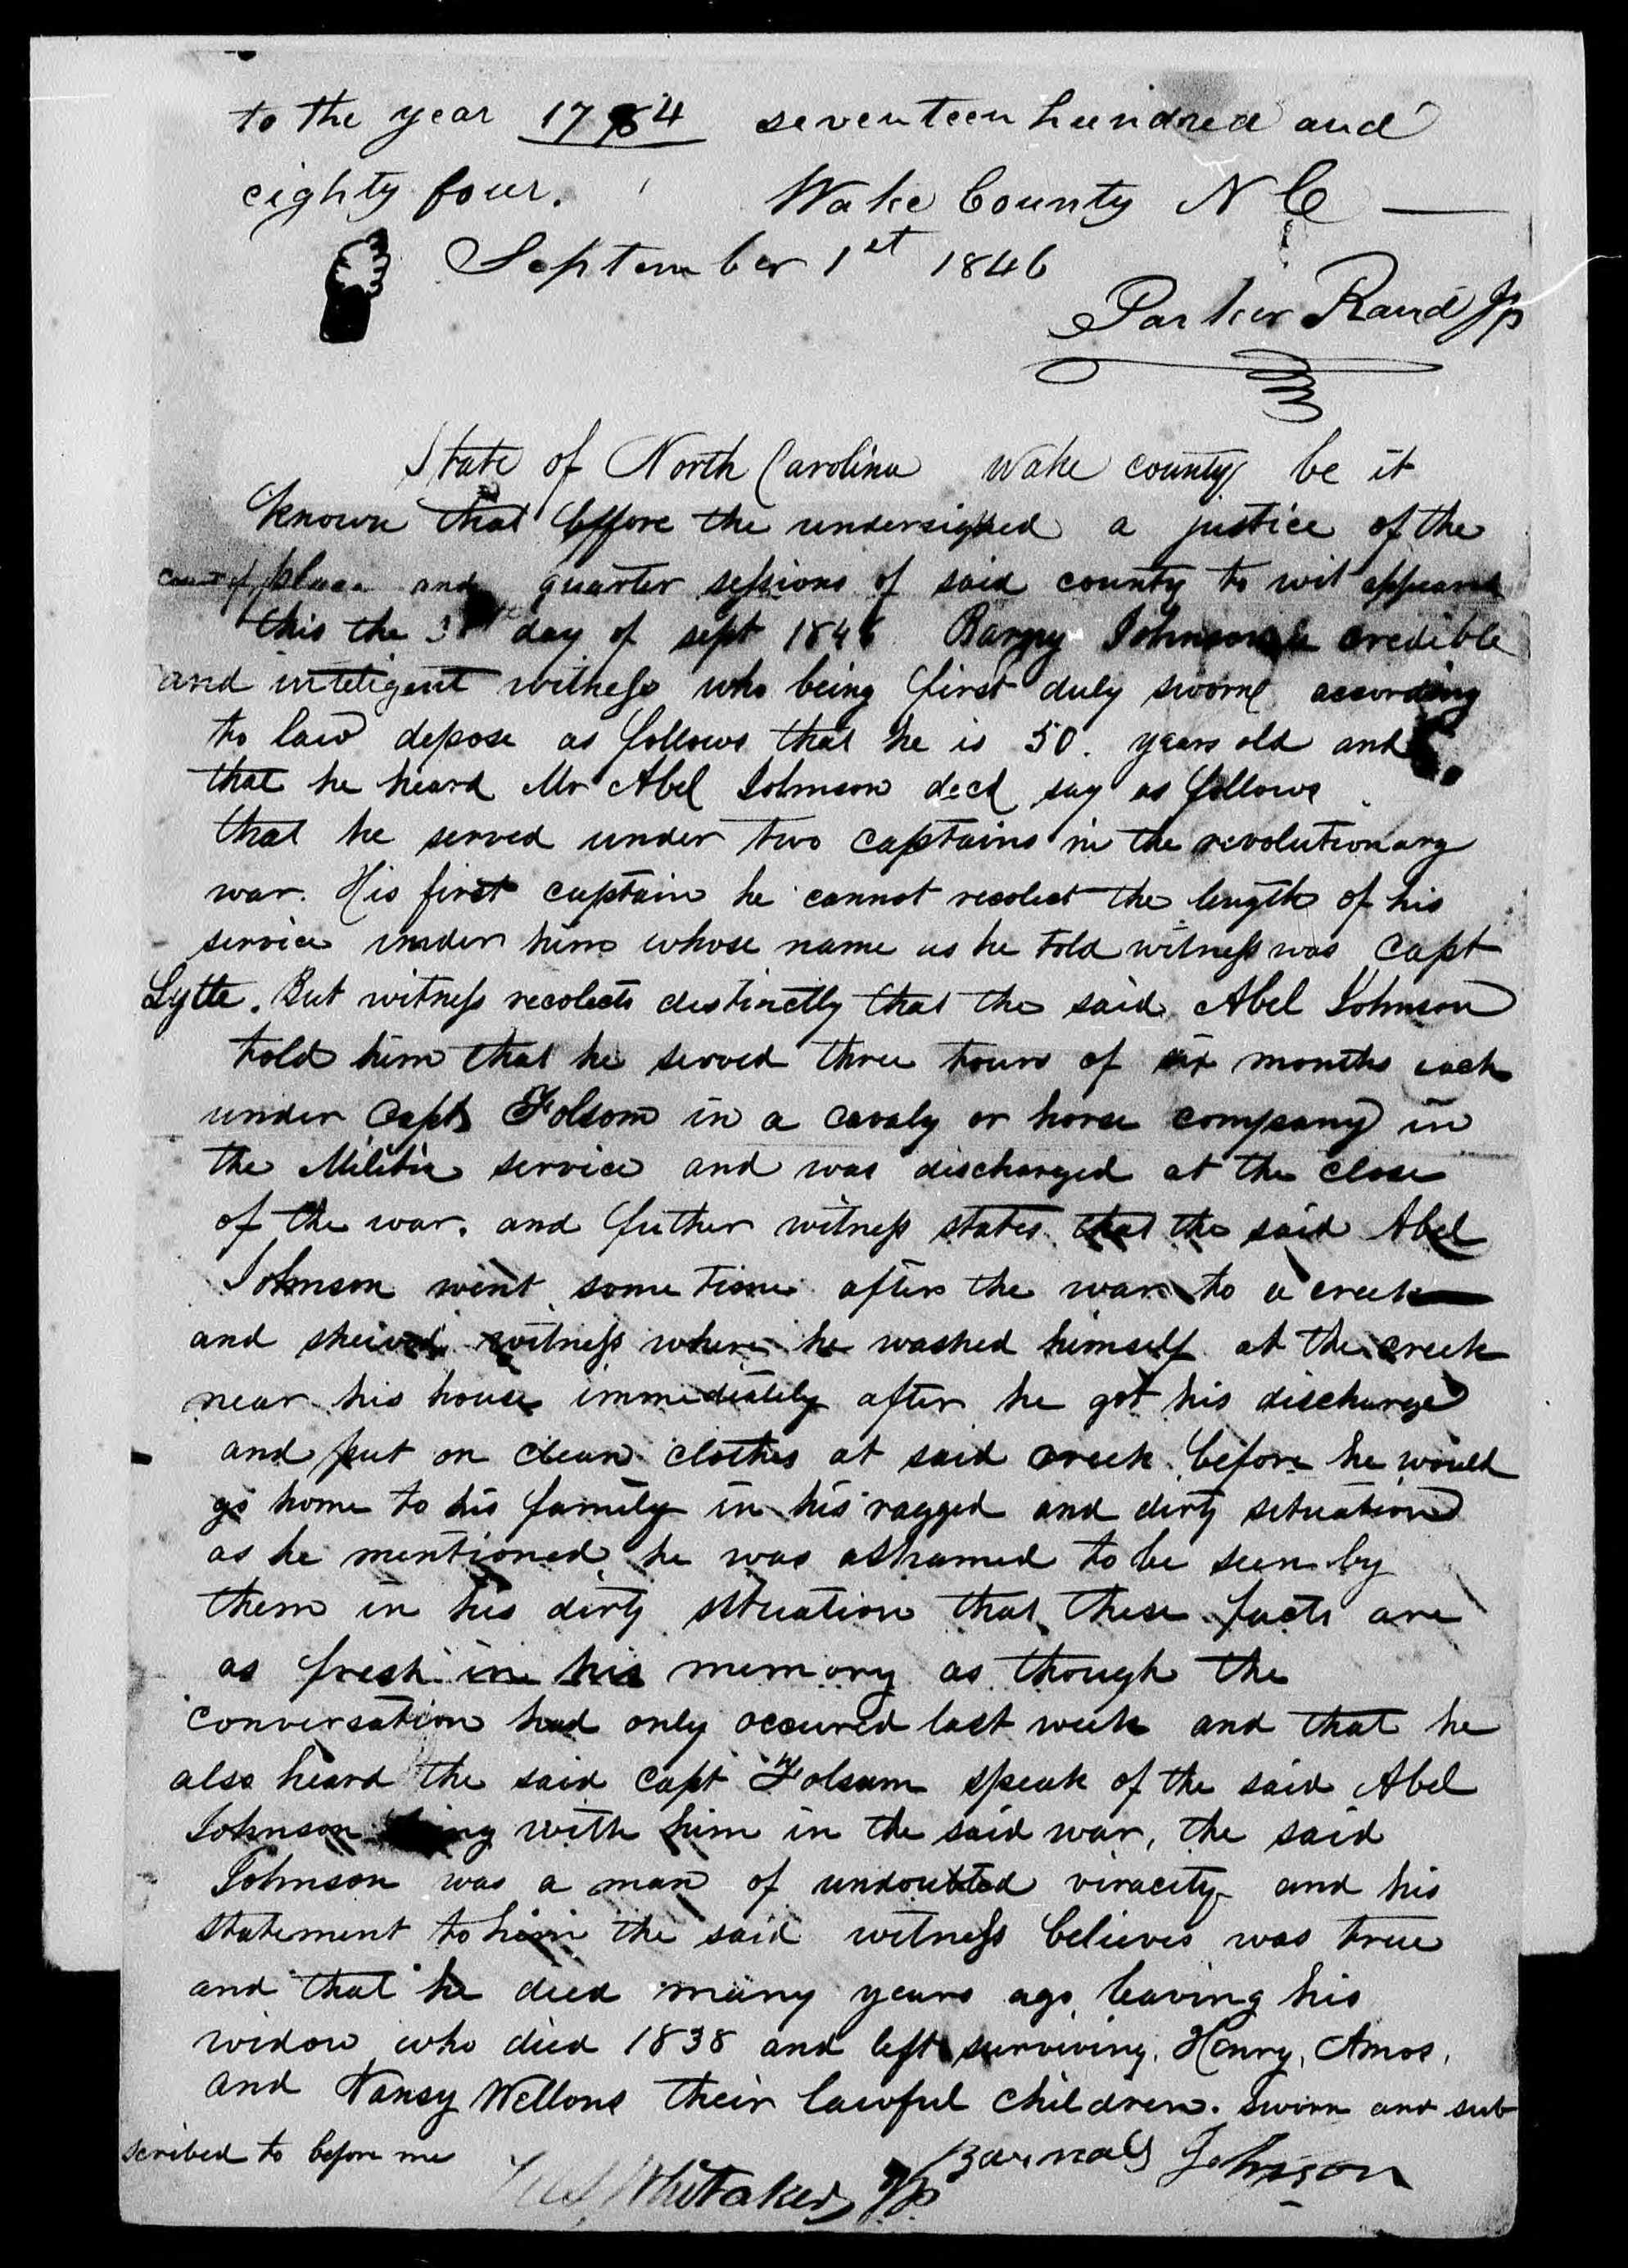To the year 1784 seventeen hundred and eight four. Wake County, North Carolina September 1st 1846 Parker Randy, JP     
State of North Carolina Wake County     Be it known that before the undersigned, a Justice of the Pleas and Quarter Sessions of said County to wit appears this the 30th day of September 1846, Barney Johnson credible and intelligent witness who being first duly sworn according to law depose as follows that he is 50 years old and that he heard the Mr. Abel Johnson deceased say as follows: That he served under two Captains in the Revolutionary War. His first captain he cannot recollect the length of his service under him whose name is Capt. Lytle. But witness recollects distinctly that the said Abel Johnson told him that he served three tours of six months each under Captain Folsom in a cavalry or horse company in the Militia Service and was discharged at the close of the war. And further witness states that the said Abel Johnson went sometime after the war to a creek and showed witness where he washed himself at the creek near his house immediately after he got his discharge and put on clean clothes at said creek before he would go home to his family in his ragged and dirty situation as he mentioned he was ashamed to be seen by them in his dirty situation that these facts are as fresh in his memory as though the conversation had only occurred last week and that he also heard the said Capt. Folsom speak of the said Abel Johnson being with him in the said war, the said Johnson was a man of undoubted veracity and his statement to him the said witness believes was true and that he died many years ago leaving his widow who died 1838 and left surviving Henry, Amos and Nancy Wellons their lawful Children.   Barney Johnson    Sworn and subscribed to before me.  W S Whitaker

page: 12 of 74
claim: rejected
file: R. 5600, for Abel Johnson, North Carolina